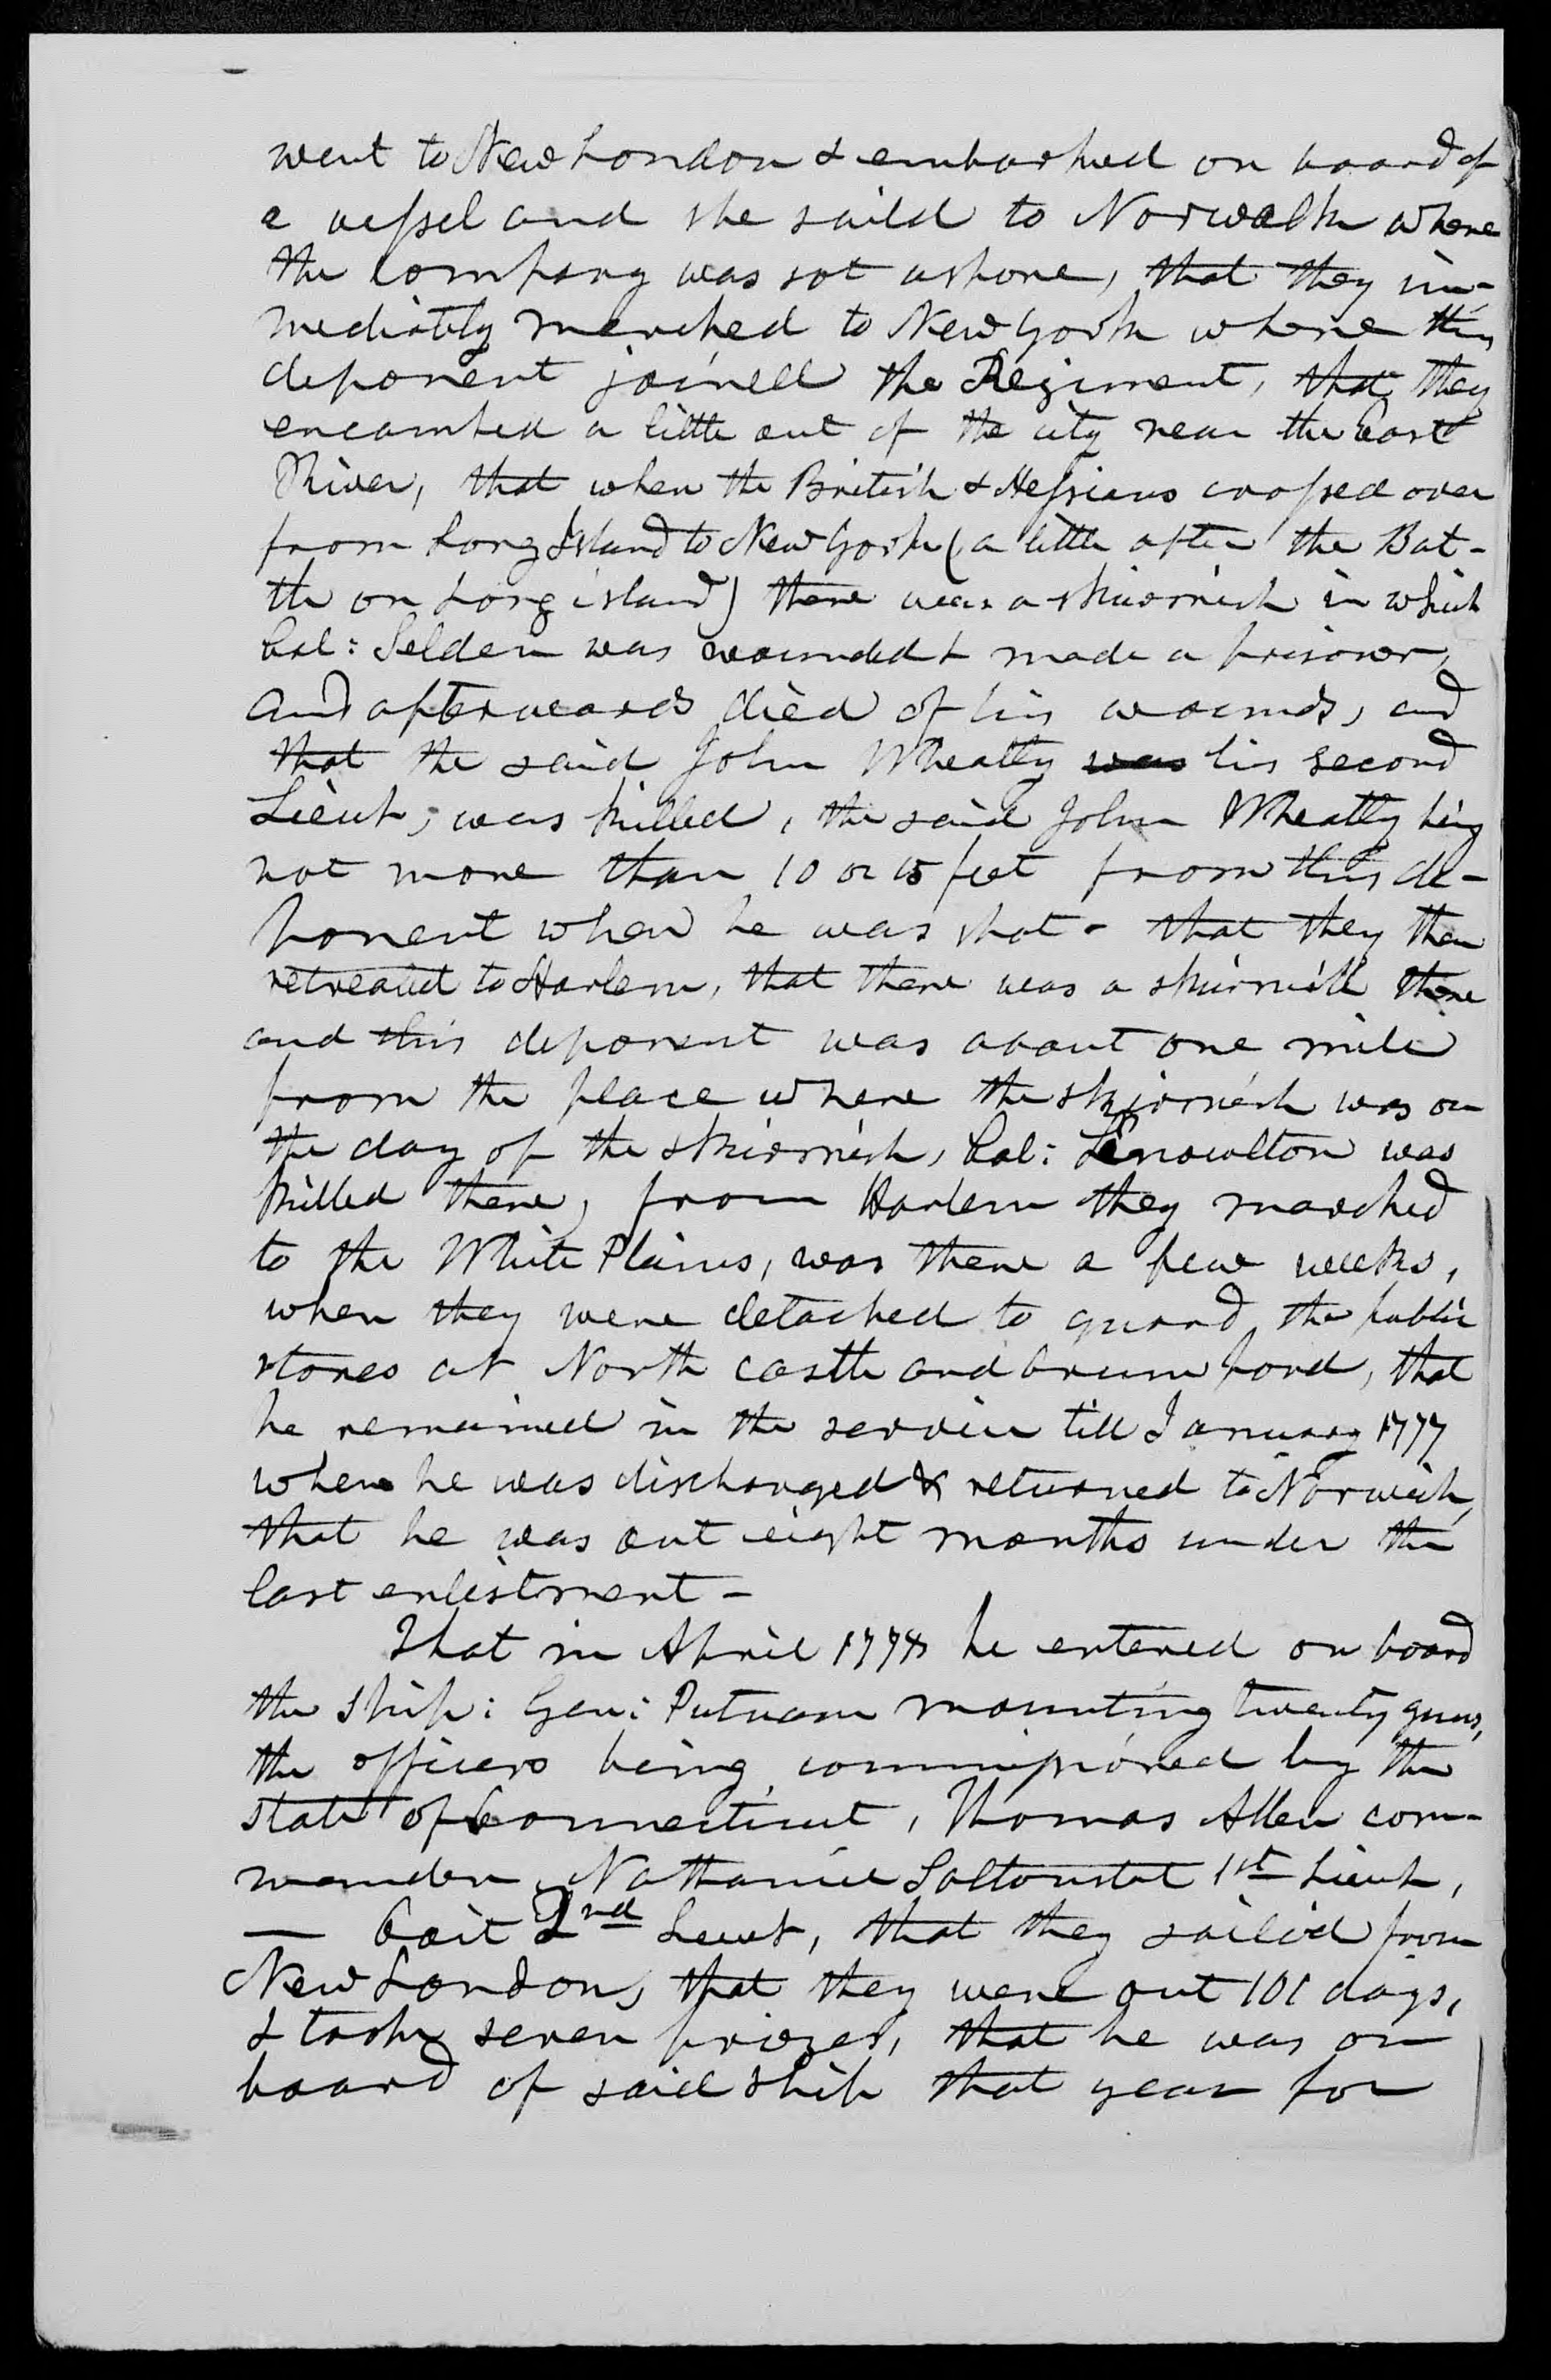went to New London & embarked on board of
a vessel and she sailed to Norwalk where
the company was [illegible] ashore, that they in
mediately marched to New York where this
deponent joined the Regiment, that they
encamped a little out of the city near the East
River, that when the British & Hessions crossed over
from Long Island to New York (a little after the Battle
on Long Island) there was a skirmish in which
Col. Selden was wounded & made a prisoner
and afterwards died of his wounds, and
that the said John Wheatly was his second
Lieut; was killed, the said John Wheatly being
more than 10 or 15 feet from this deponent when he was shot - that they then
retreated to Harlem, that there was a skirmish there
and this deponent was about one mile
from the place where the skirmish was on
the day of the skirmish, Col Knowlton was
killed there, from Harlem they marched
to the White Plains, was there a few weeks,
when they were detached to guard the public
stores at North Castle and [illegible], that
he remained in the service till January 1777
when he was discharged & returned to Norwich,
that he was out eight months under the
last enlistment-
That in April 1778 he entered on board
the ship: Gen. Putnam mounting twenty guns
the officers being commissioned by the
state of Connecticut, Thomas Allen commander Nathaniel Saltonstat 1st Lieut
---
[illegible] 2nd Lieut, that they sailed from
New London, that they were out 101 days,
& took seven brigades, that he was on
board of said ship that year for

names: Thomas Allen, John Wheatly, John Wheatly, Knowlton, Nathaniel Soltonstal, Selden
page: 5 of 61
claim: widow's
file: W. 4.124, Luther Barney, Conn. Privateer.